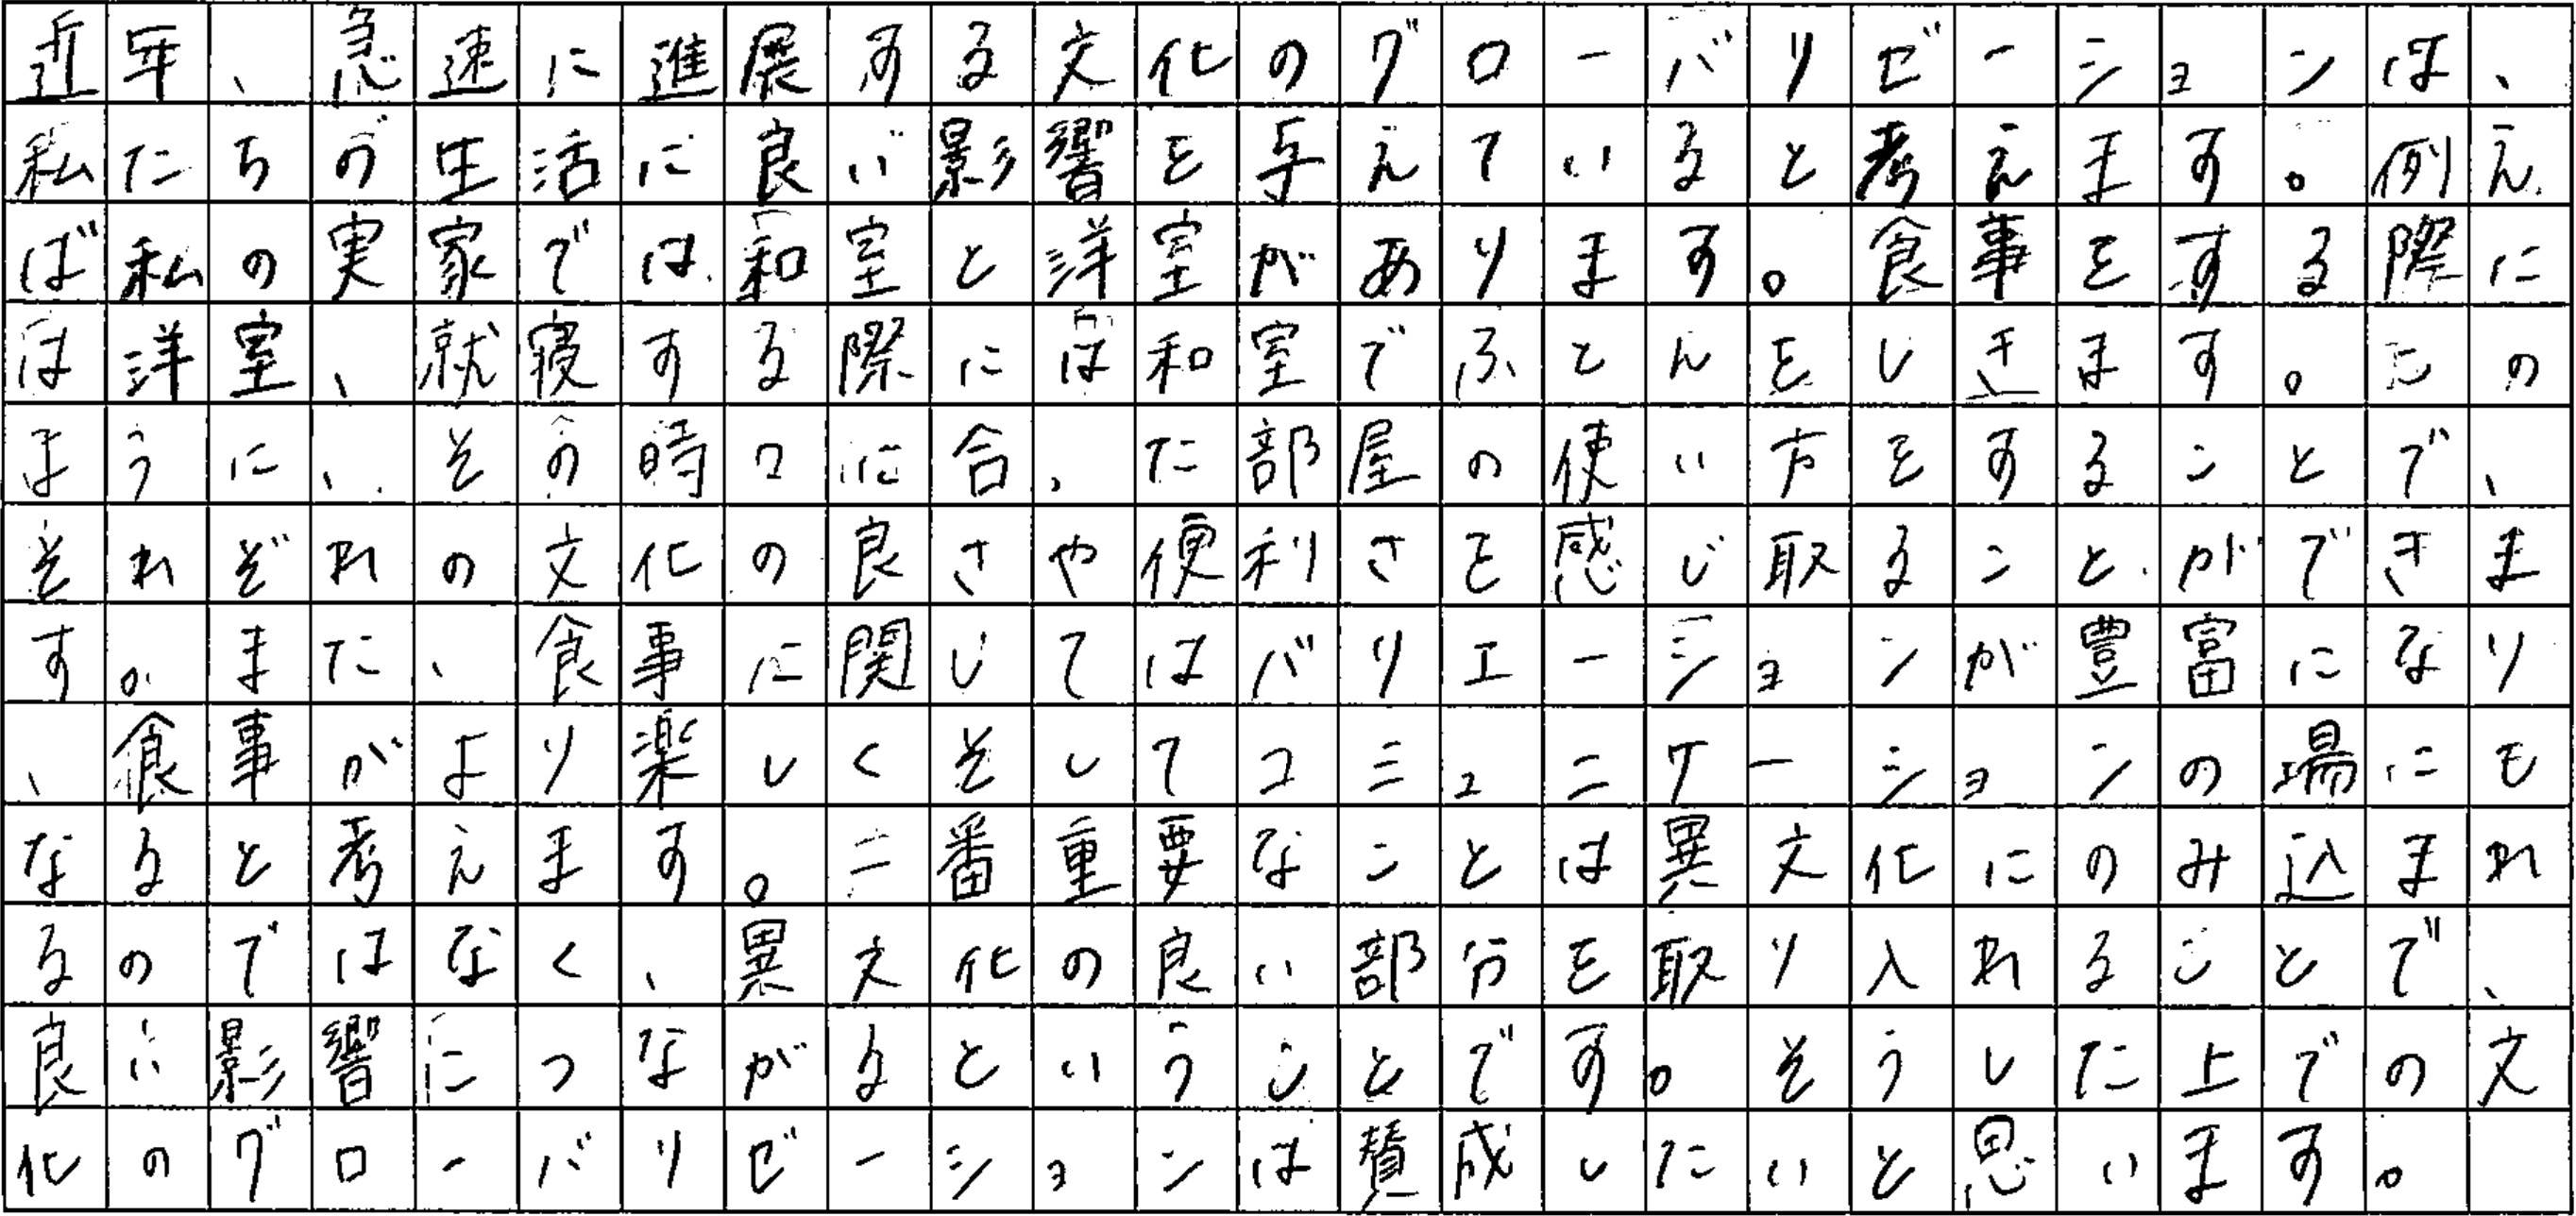近年、急速に進展する文化のグローバリゼーションは、私たちの生活に良い影響を与えていると考えます。例えば私の実家では和室と洋室があります。食事をする際には洋室、就寝する際には和室でふとんをしきます。このように、その時々に合った部屋の使い方をすることで、それぞれの文化の良さや便利さを感じ取ることができます。また、食事に関してはバリエーションが豊富になり、食事がより楽しくそしてコミュニケーションの場にもなると考えます。一番重要なことは異文化にのみ込まれるのではなく、異文化の良い部分を取り入れることで、良い影響につながるということです。そうした上での文化のグローバリゼーションは賛成したいと思います。
